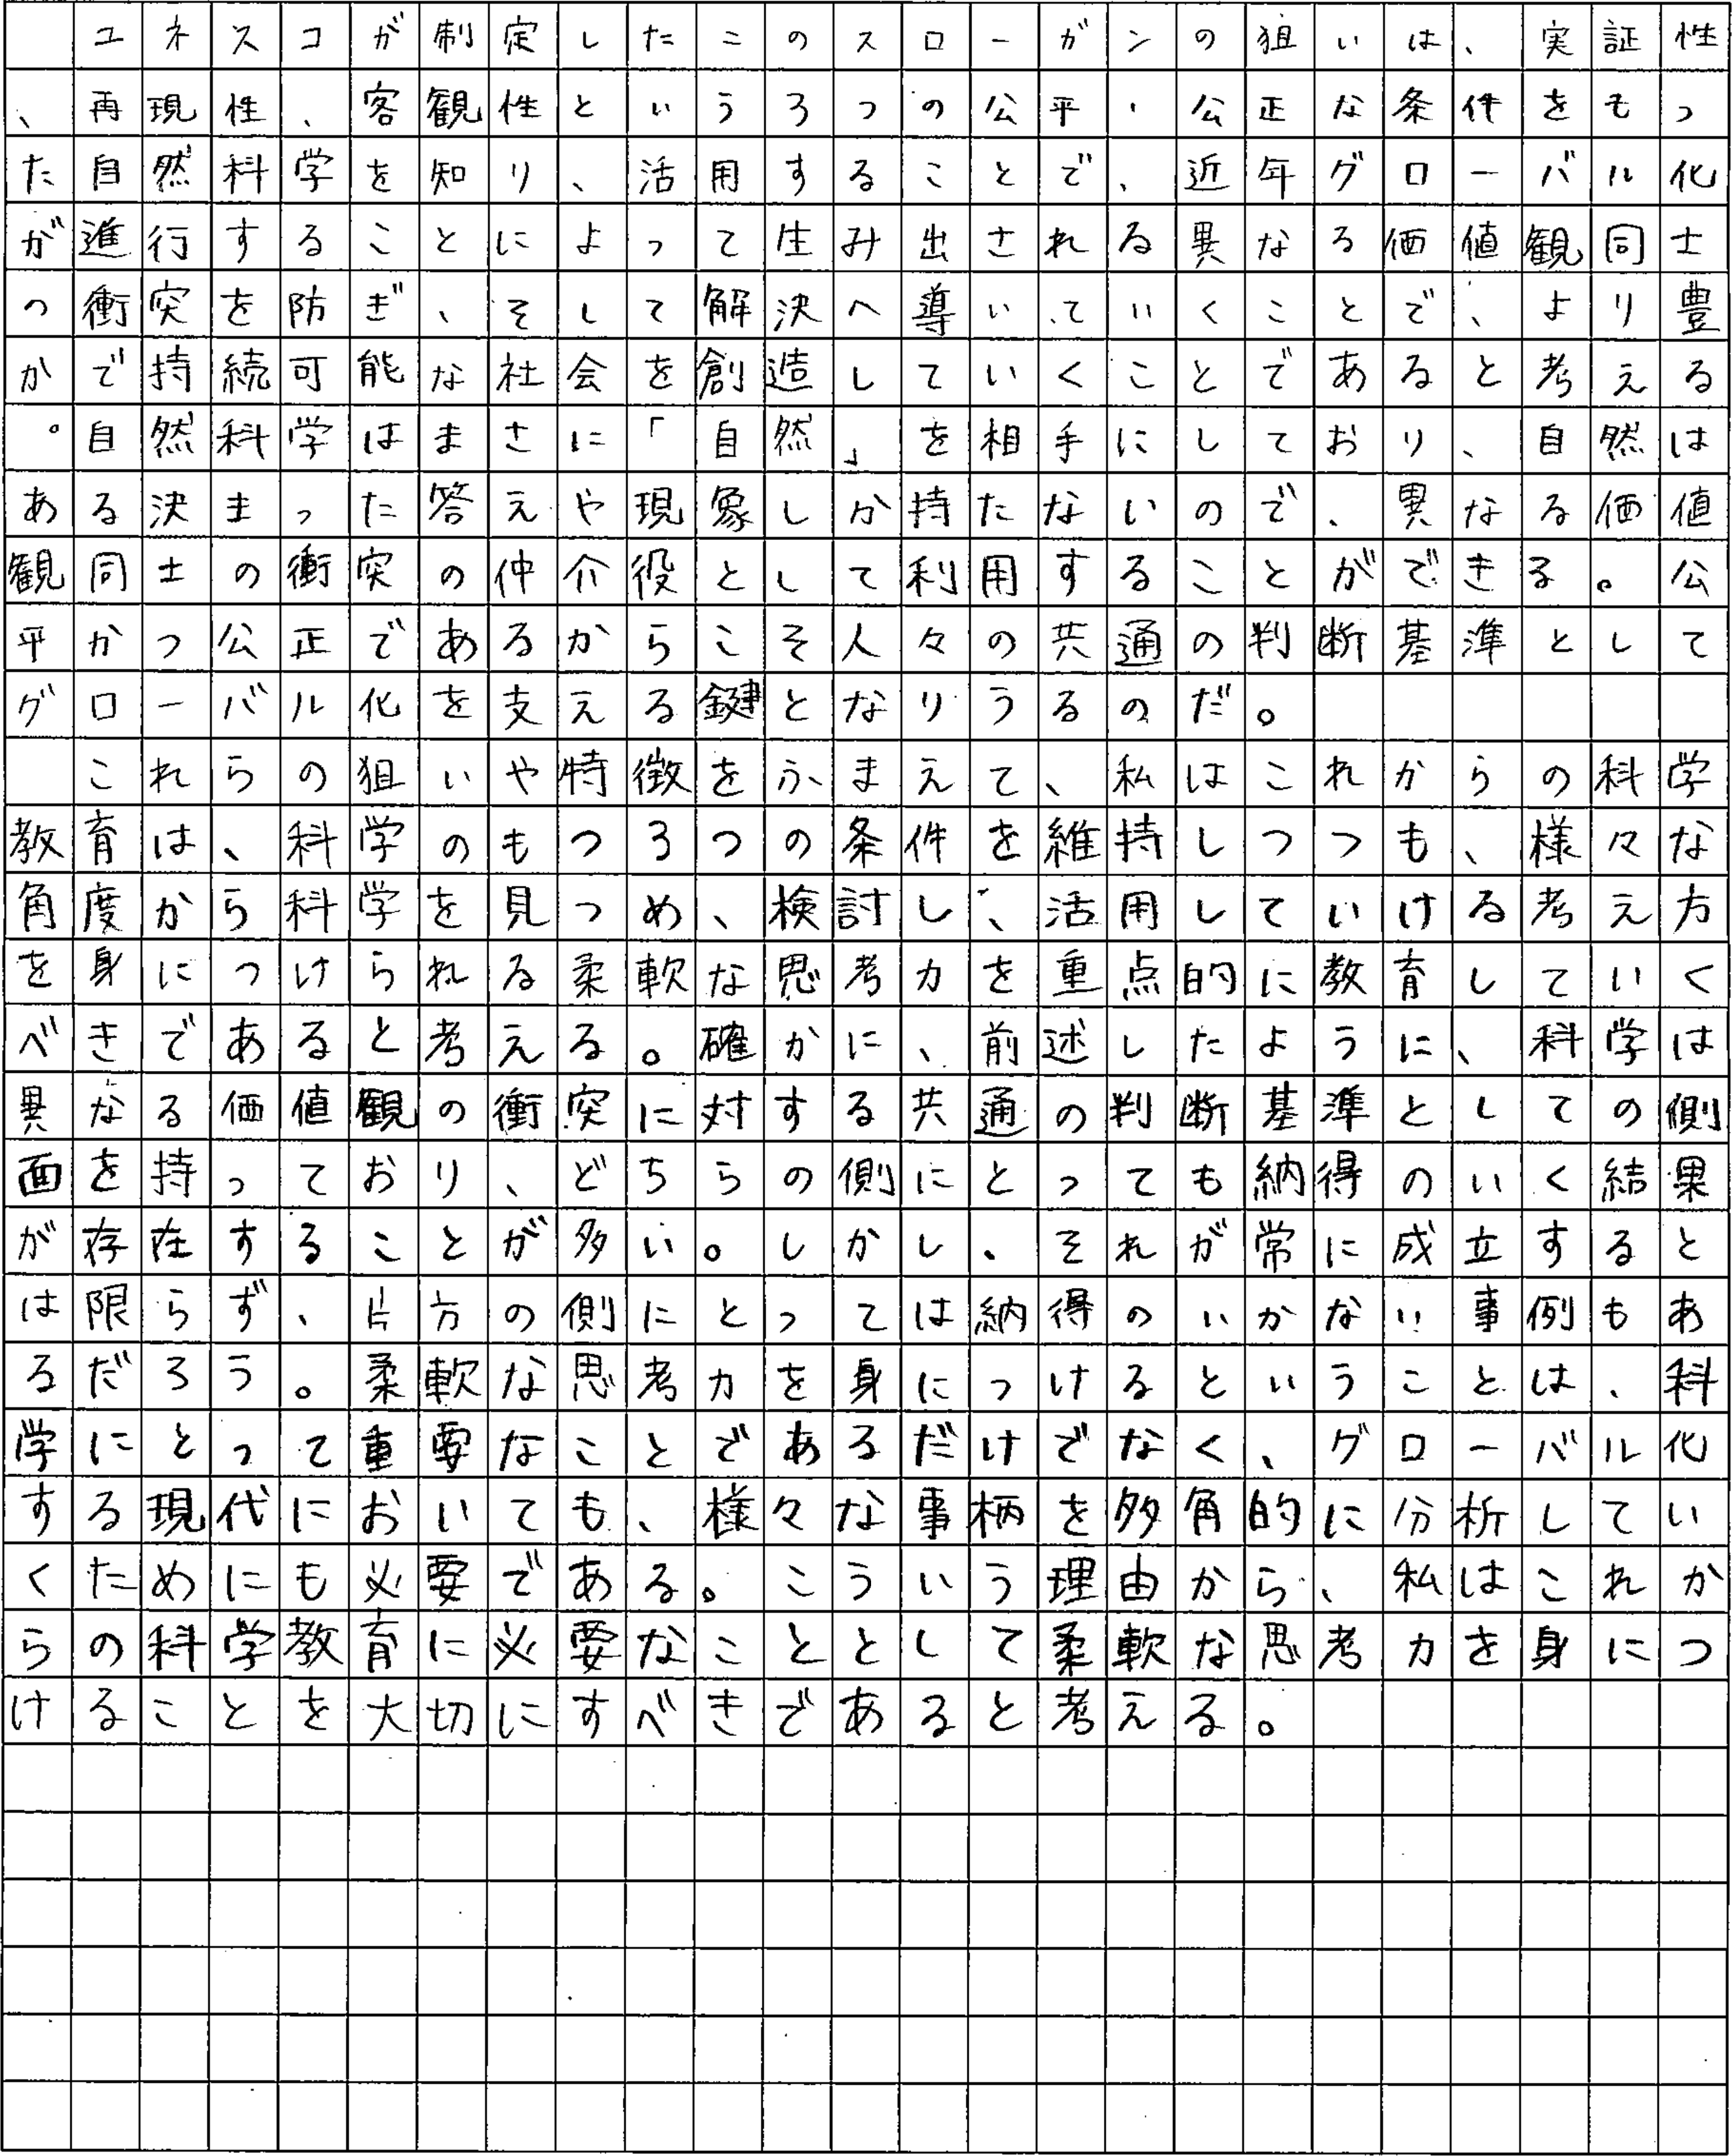　ユネスコが制定したこのスローガンの狙いは、実証性、再現性、客観性、という３つの公平・公正な条件をもった自然科学を知り、活用することで、近年グローバル化が進行することによって生み出される異なる価値観同士の衝突を防ぎ、そして解決へ導いていくことで、より豊かで持続可能な社会を創造していくことであると考える。自然科学はまさに「自然」を相手にしており、自然はある決まった答えや現象しか持たないので、異なる価値観同士の衝突の仲介役として利用することができる。公平かつ公正であるからこそ人々の共通の判断基準としてグローバル化を支える鍵となりうるのだ。
　これらの狙いや特徴をふまえて、私はこれからの科学教育は、科学のもつ３つの条件を維持しつつも、様々な角度から科学を見つめ、検討し、活用していける考え方を身につけられる柔軟な思考力を重点的に教育していくべきであると考える。確かに、前述したように、科学は異なる価値観の衝突に対する共通の判断基準としての側面を持っており、どちらの側にとっても納得のいく結果が存在することが多い。しかし、それが常に成立するとは限らず、片方の側にとっては納得のいかない事例もあるだろう。柔軟な思考力を身につけるということは、科学にとって重要なことであるだけでなく、グローバル化する現代においても、様々な事柄を多角的に分析していくためにも必要である。こういう理由から、私はこれからの科学教育に必要なこととして柔軟な思考力を身につけることを大切にすべきであると考える。
